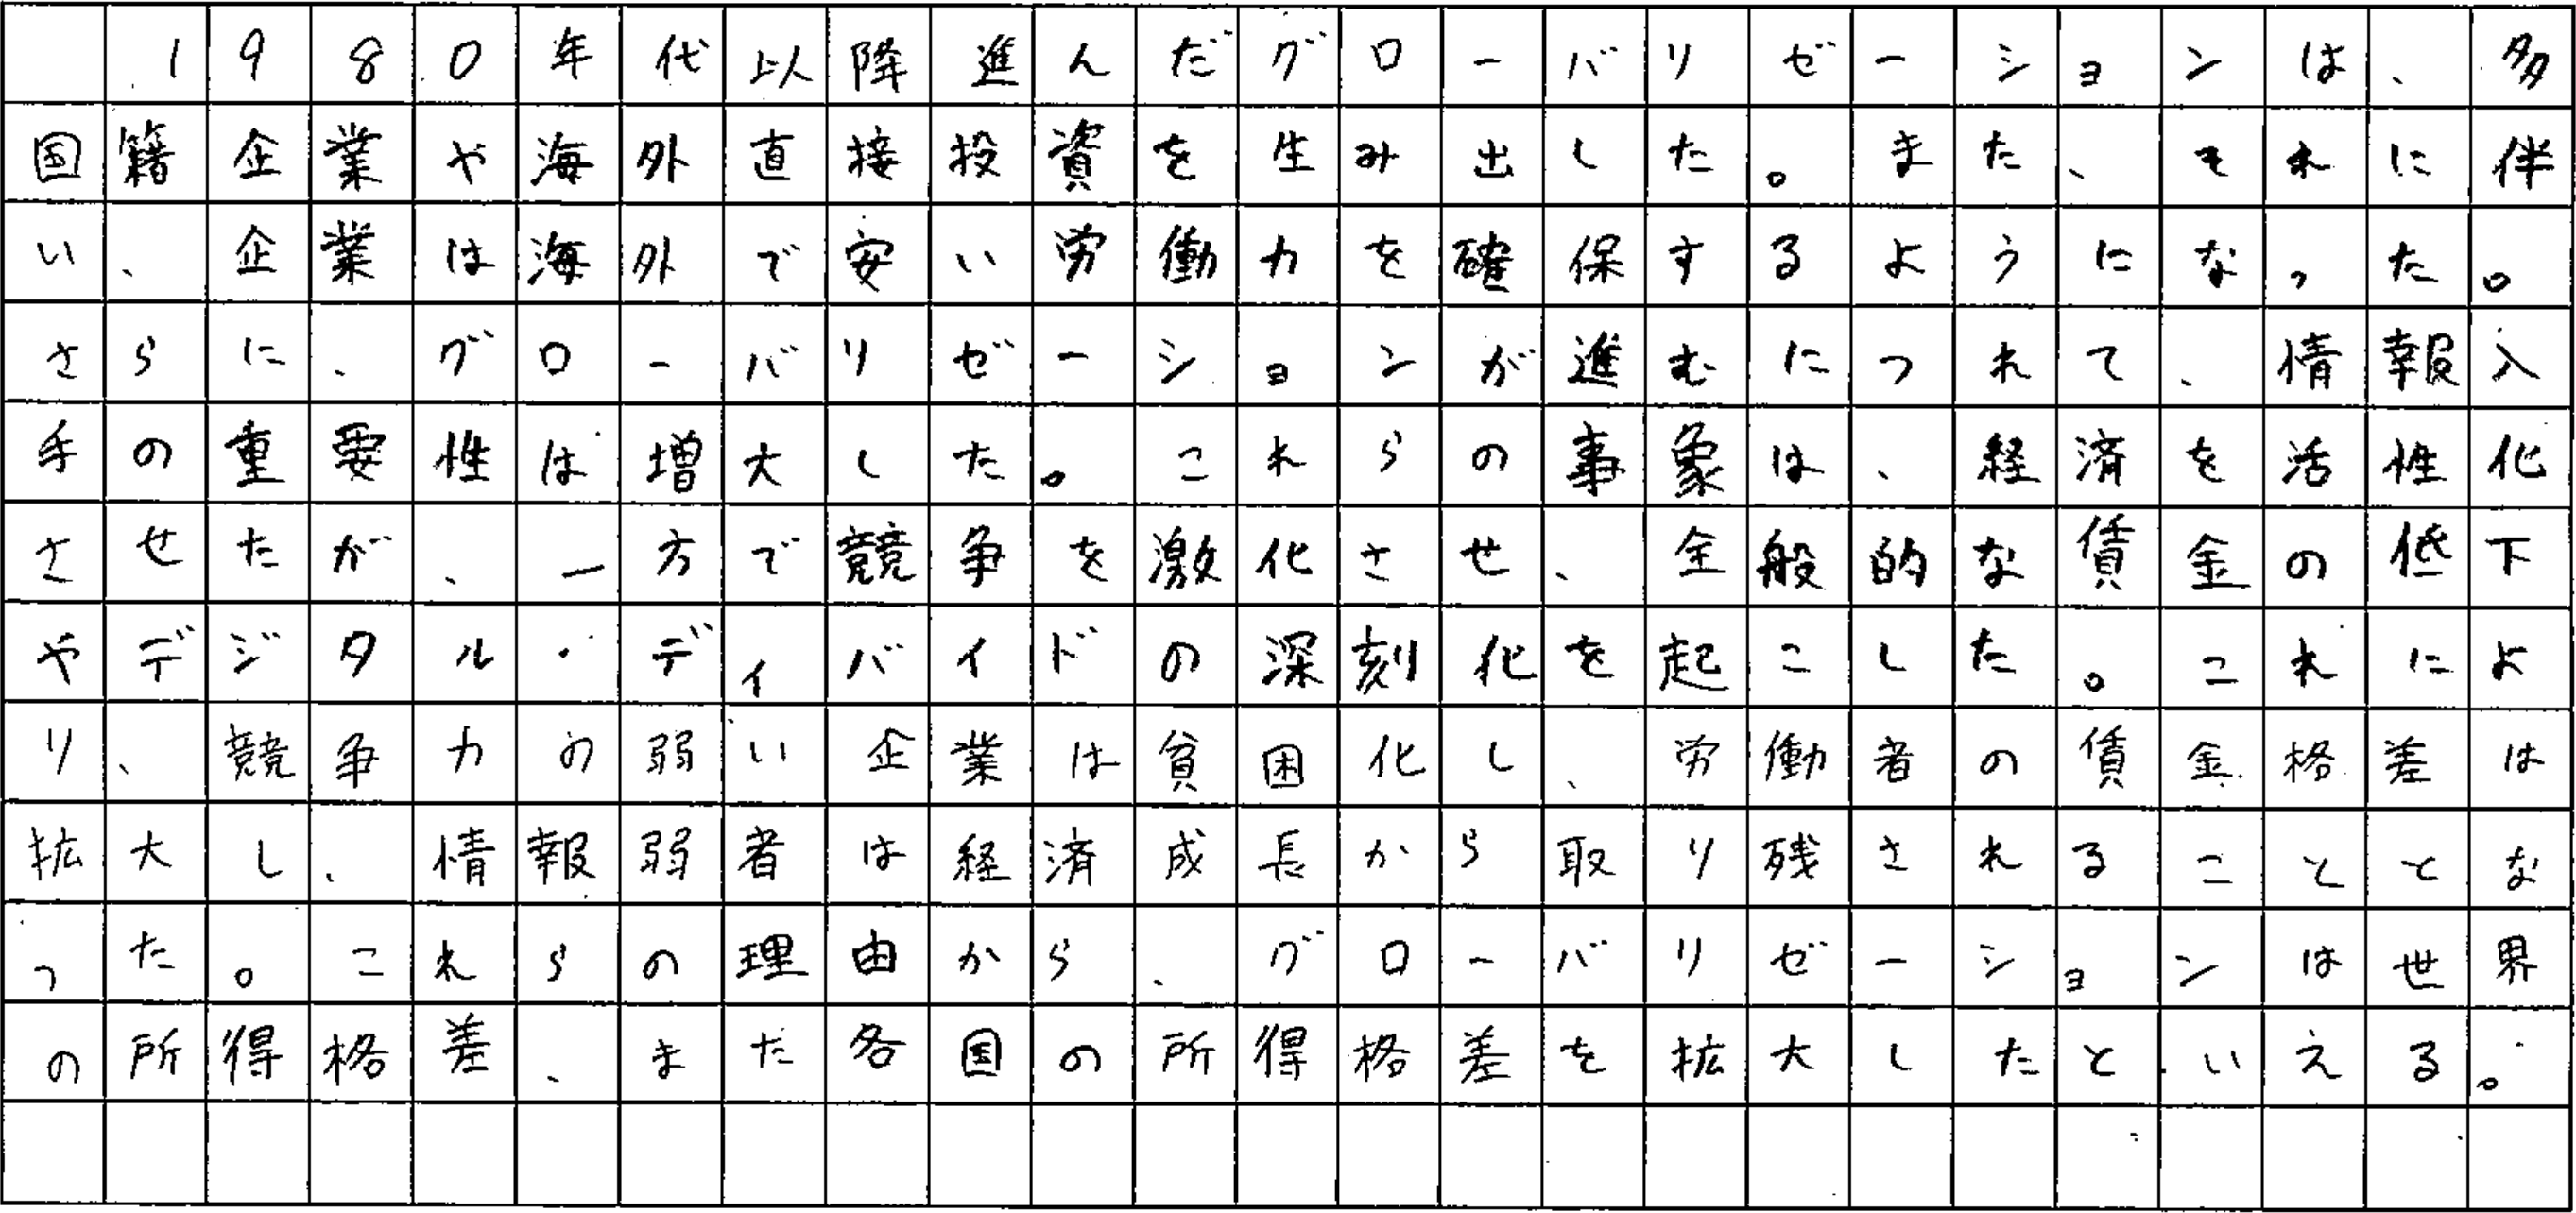　１９８０年代以降進んだグローバリゼーションは、多国籍企業や海外直接投資を生み出した。また、それに伴い、企業は海外で安い労働力を確保するようになった。さらに、グローバリゼーションが進むにつれて、情報入手の重要性は増大した。これらの事象は、経済を活性化させたが、一方で競争を激化させ、全般的な賃金の低下やデジタル・ディバイドの深刻化を起こした。これにより、競争力の弱い企業は貧困化し、労働者の賃金格差は拡大し、情報弱者は経済成長から取り残されることとなった。これらの理由から、グローバリゼーションは世界の所得格差、また各国の所得格差を拡大したといえる。
